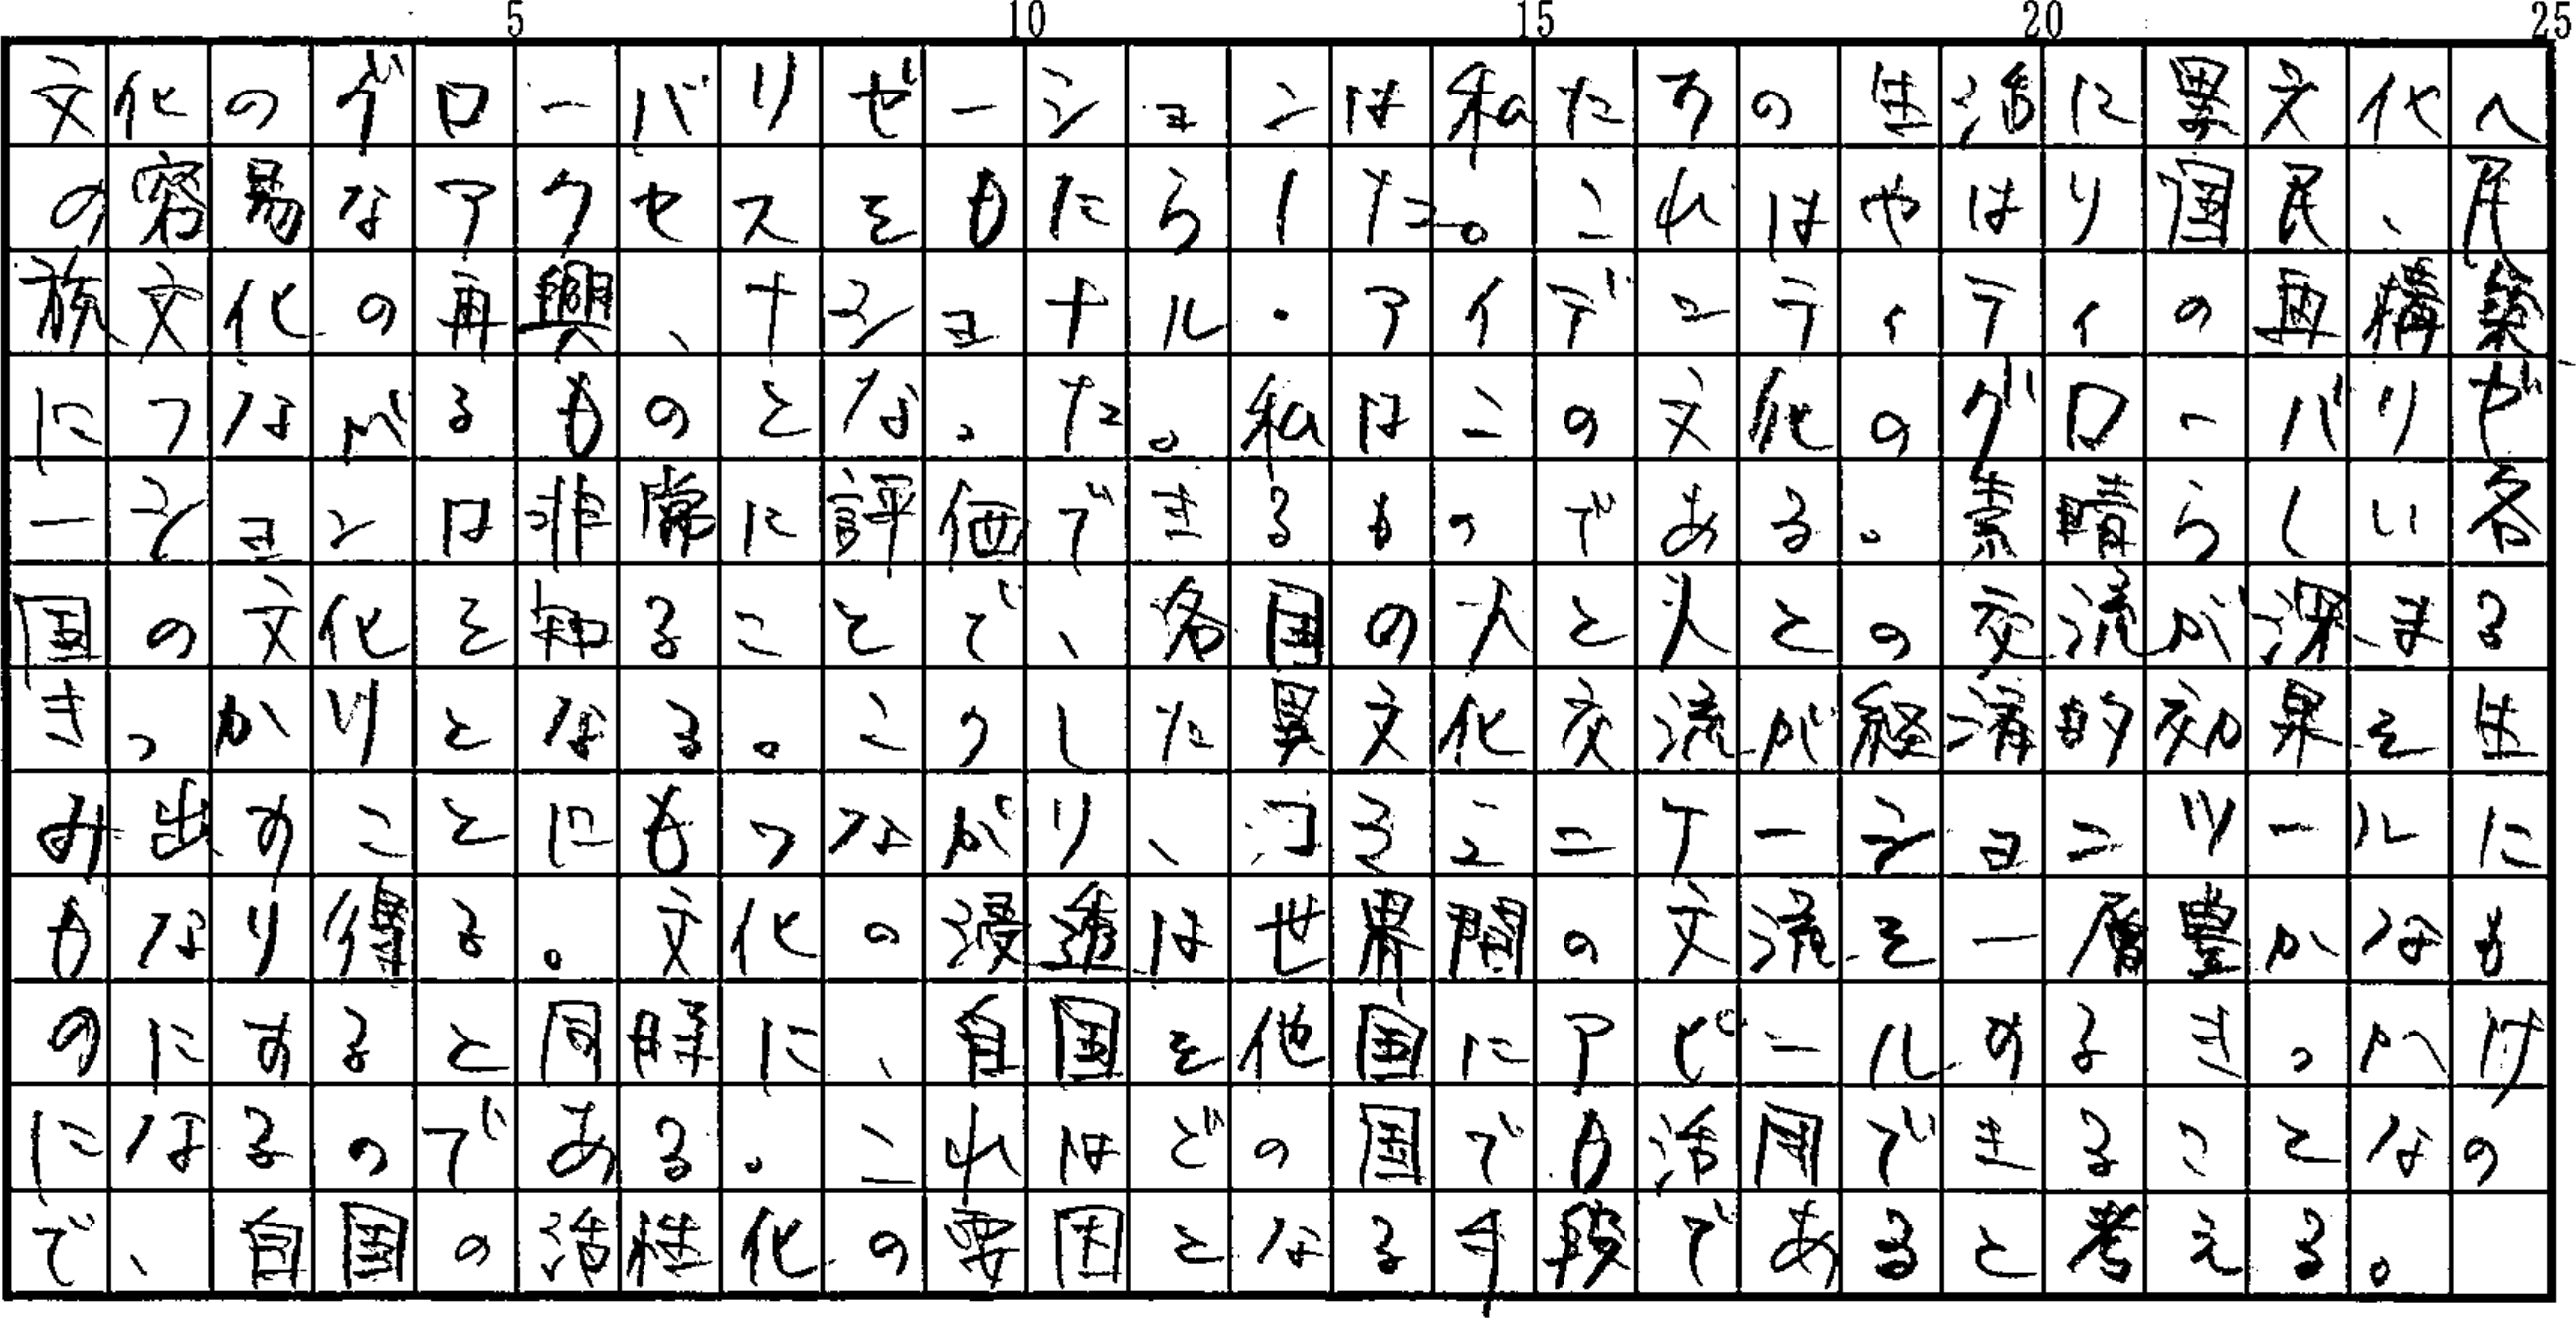文化のグローバリゼーションは私たちの生活に異文化への容易なアクセスをもたらした。これはやはり国民、民族文化の再興、ナショナル・アイデンティティの再構築につながるものとなった。私はこの文化のグローバリゼーションは非常に評価できるものである。素晴らしい各国の文化を知ることで、各国の人と人との交流が深まるきっかけとなる。こうした異文化交流が経済的効果を生み出すことにもつながり、コミュニケーションツールにもなり得る。文化の浸透は世界間の文流を一層豊かなものにすると同時に、自国を他国にアピールするきっかけになるのである。これはどの国でも活用できることなので、自国の活性化の要因となる手段であると考える。
